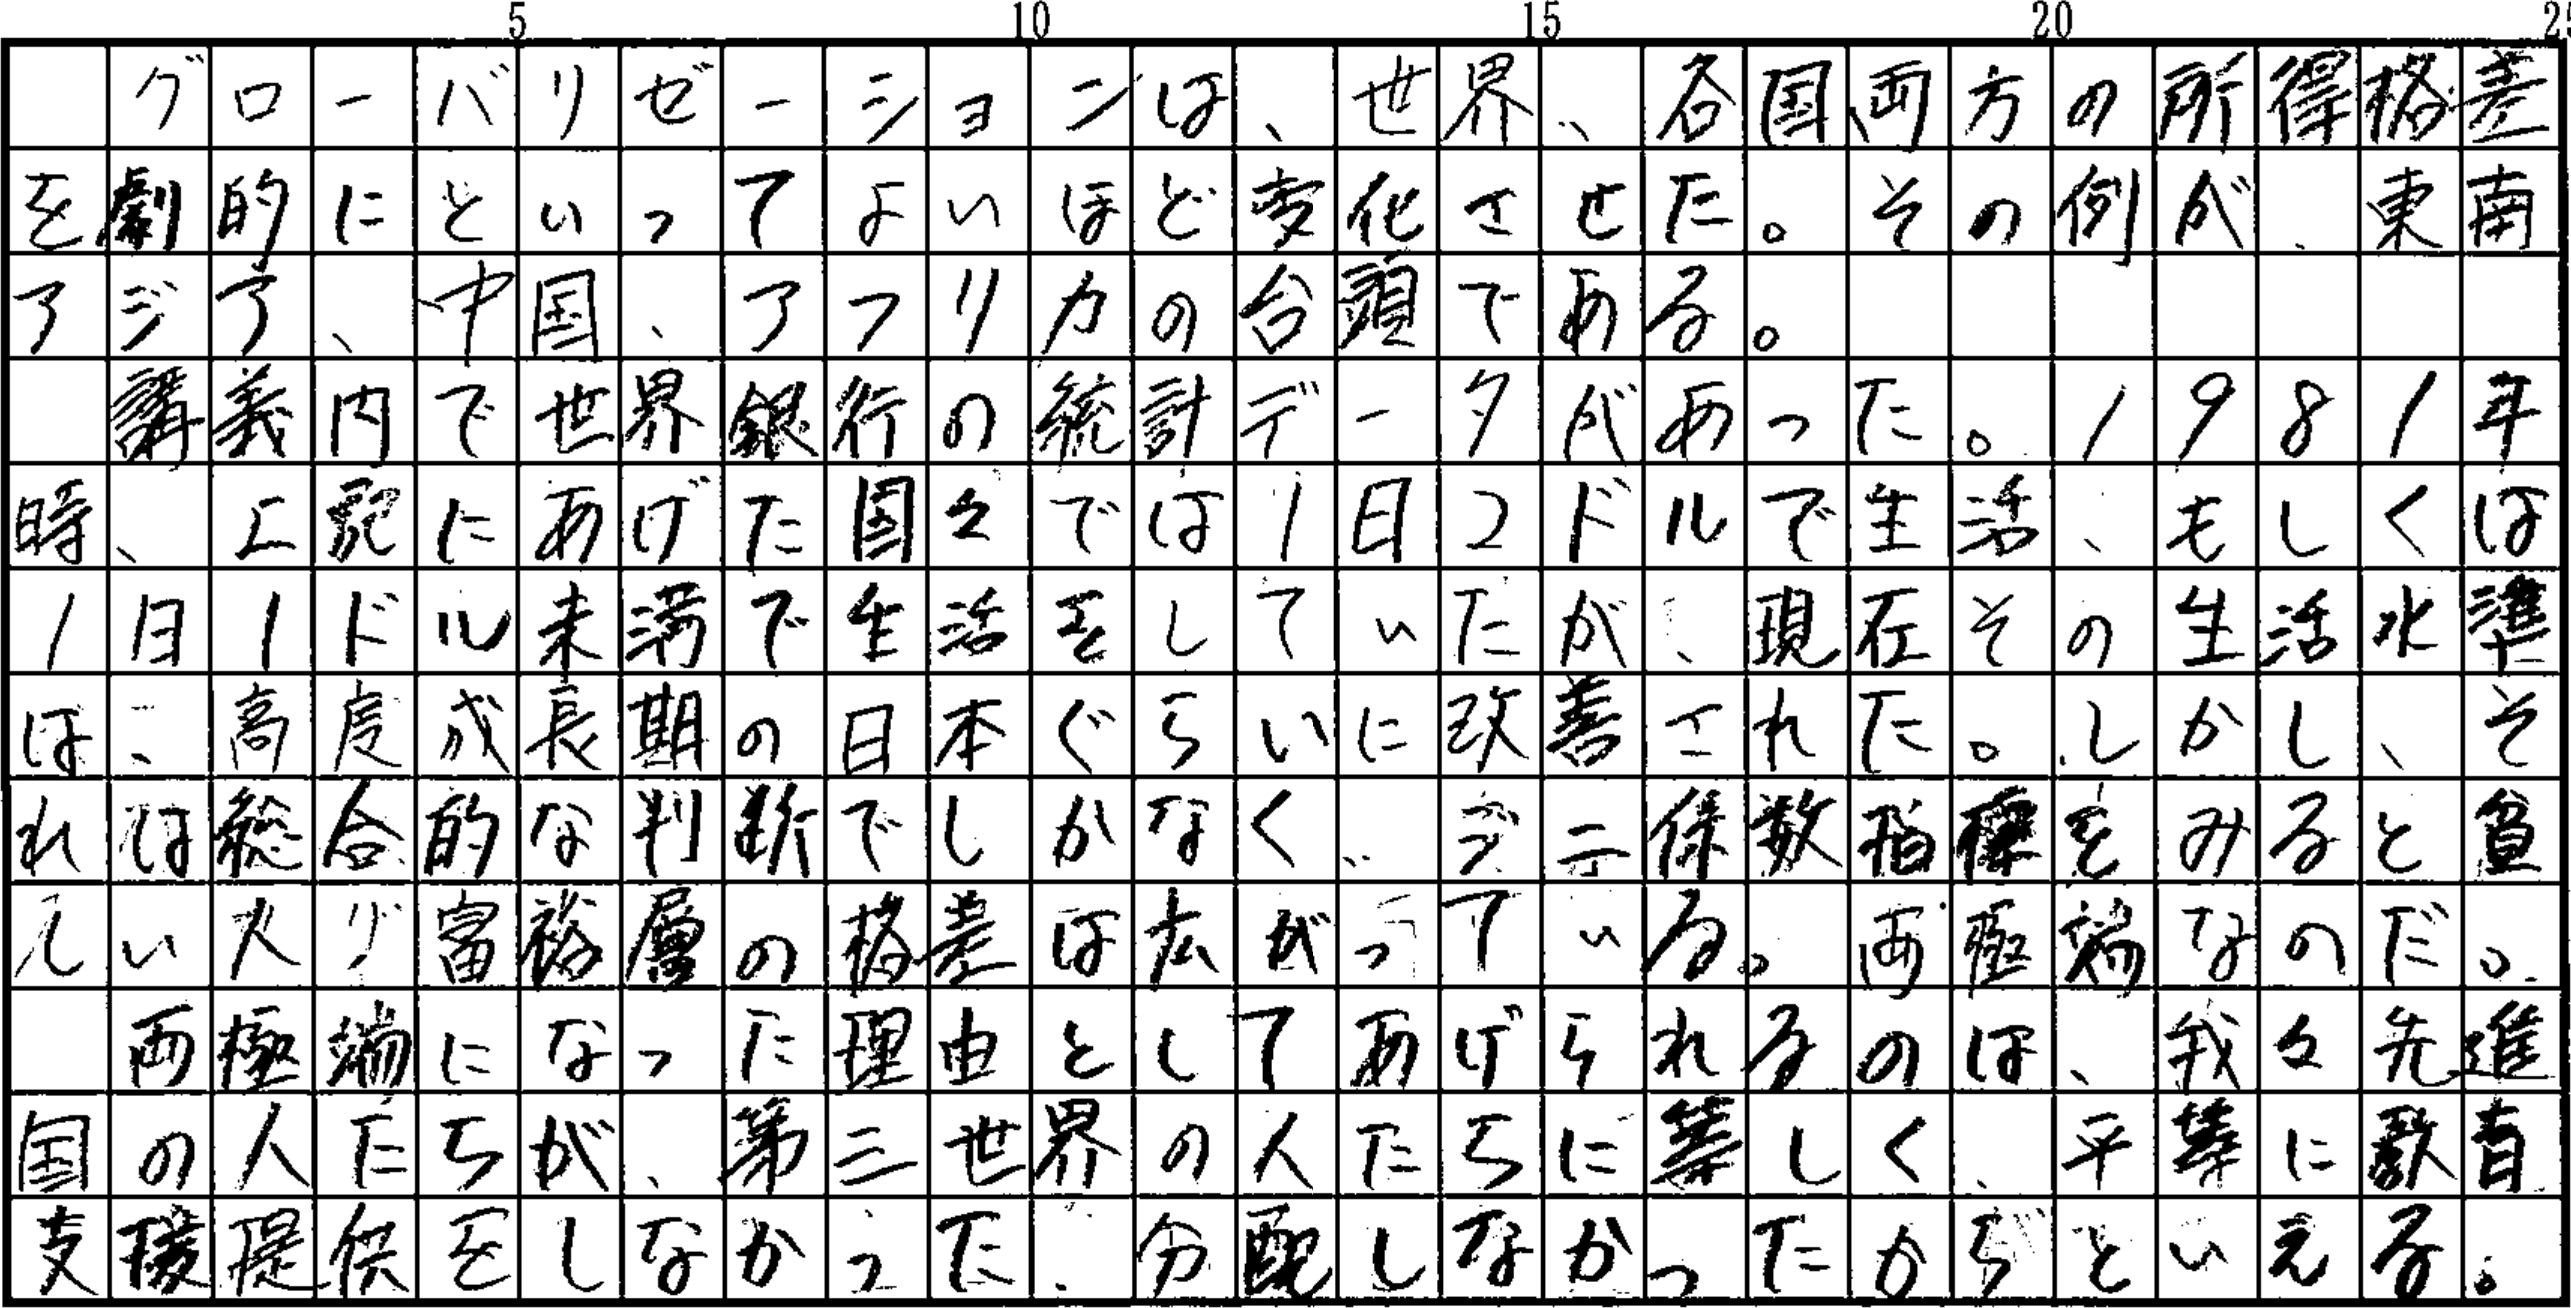　グローバリゼーションは、世界、各国両方の所得格差を劇的にといってよいほど変化させた。その例が、東南アジア、中国、アフリカの台頭である。
　講義内で世界銀行の統計データがあった。１９８１年時、上記にあげた国々では１日２ドルで生活、もしくは１日１ドル未満で生活をしていたが、現在その生活水準は、高度成長期の日本ぐらいに改善された。しかし、それは総合的な判断でしかなく、ジニ係数指標をみると貧しい人、富裕層の格差は広がっている。両極端なのだ。
　両極端になった理由としてあげられるのは、我々先進国の人たちが、第三世界の人たちに等しく、平等に教育支援提供をしなかった、分配しなかったからといえる。
